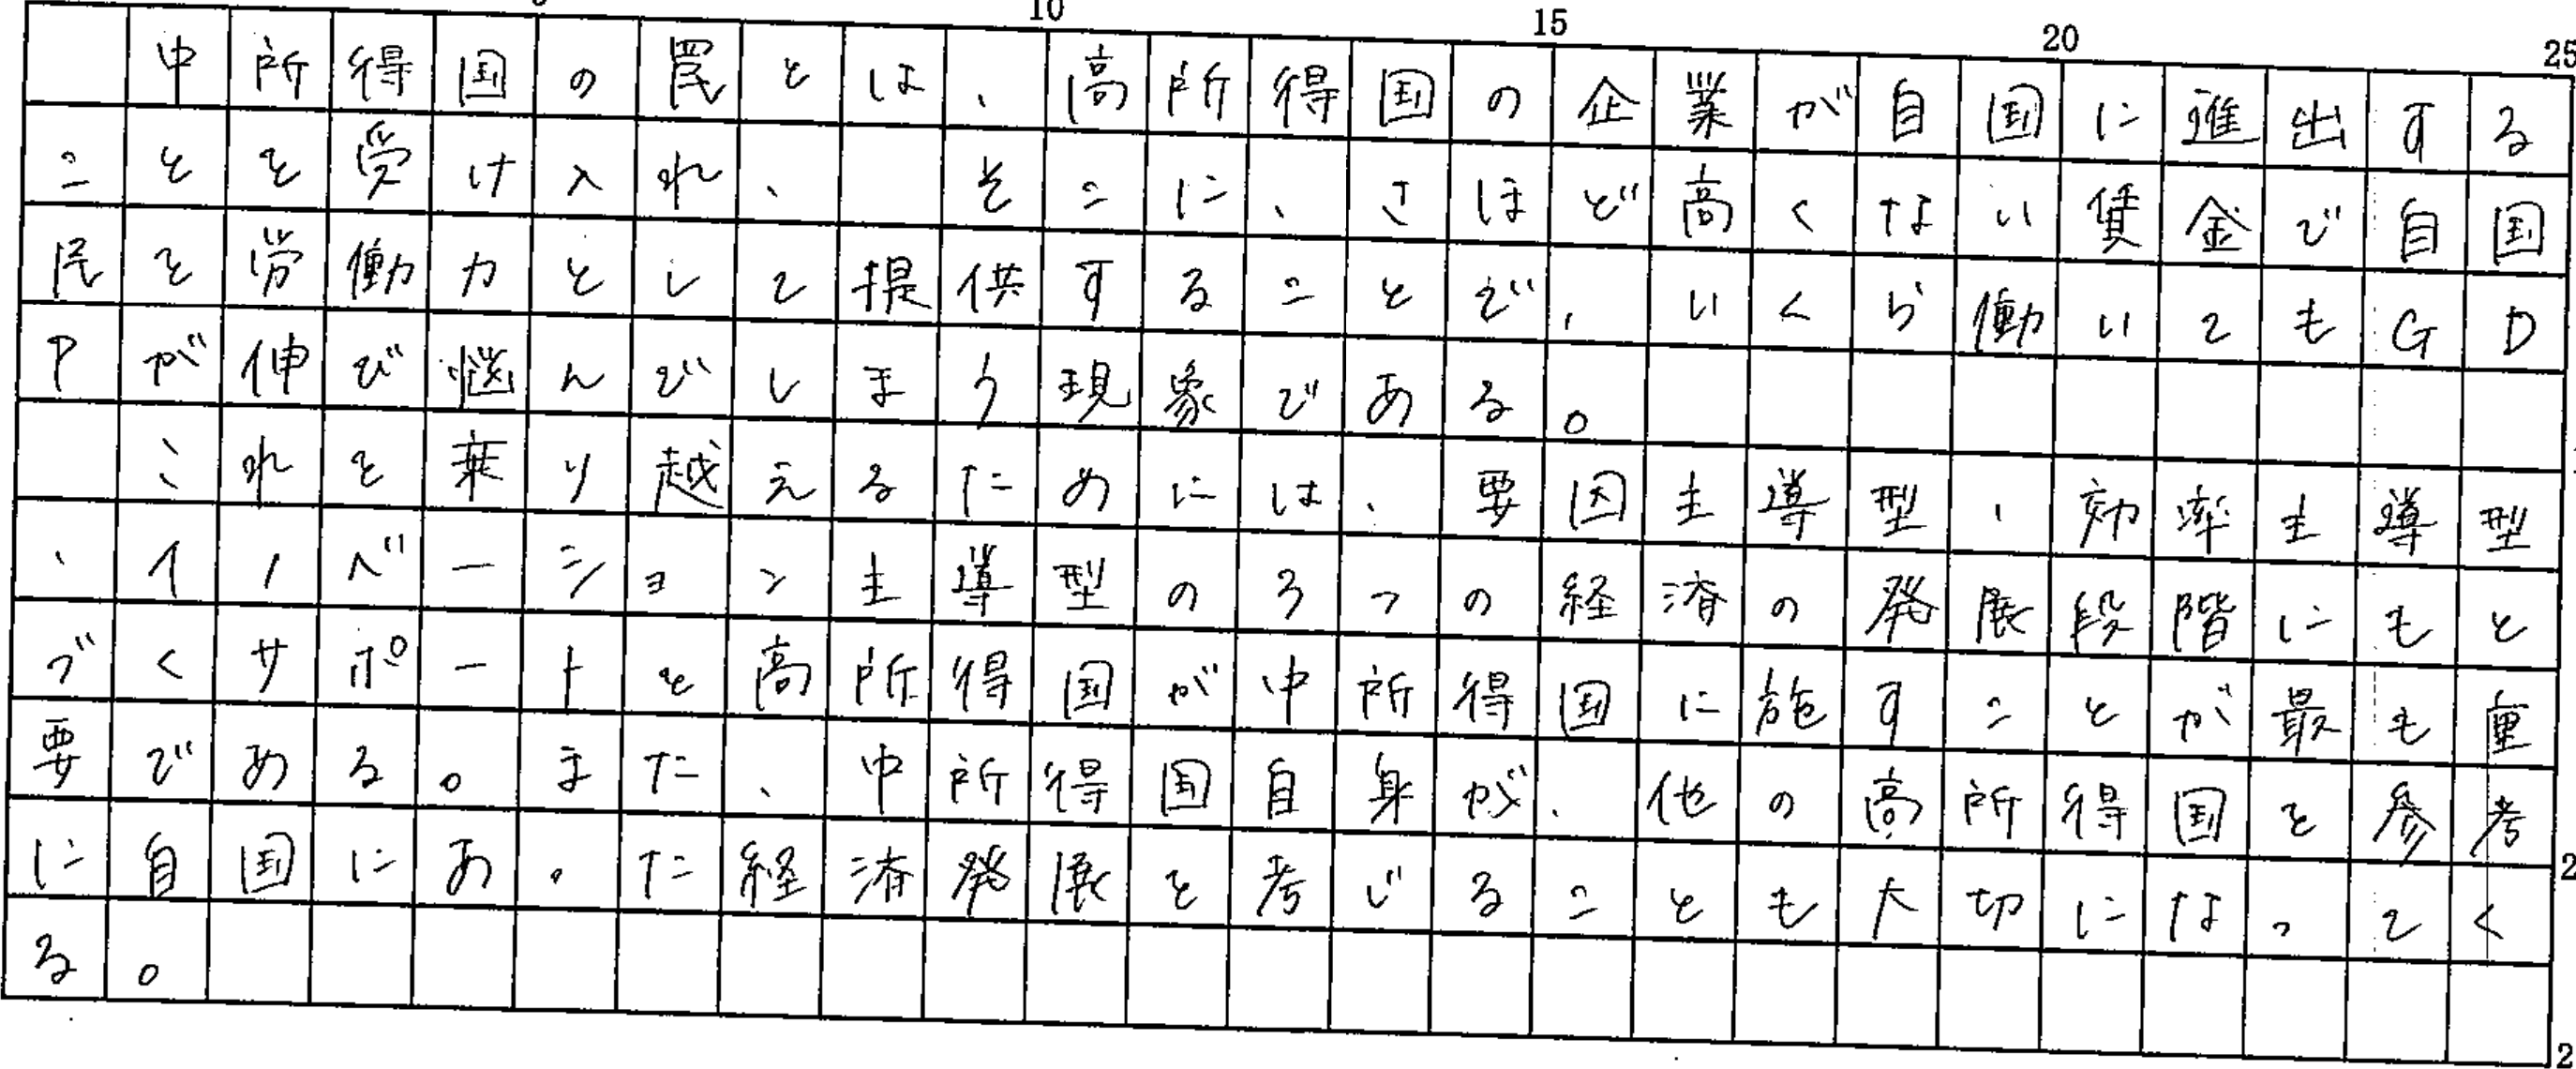　中所得国の罠とは、高所得国の企業が自国に進出することを受け入れ、　そこに、さほど高くない賃金で自国民を労働力として提供することで、いくら働いてもＧＤＰが伸び悩んでしまう現象である。
　これを乗り越えるためには、要因主導型・効率主導型・イノベーション主導型の３つの経済の発展段階にもとづくサポートを高所得国が中所得国に施すことが最も重要である。また、中所得国自身が、他の高所得国を参考に自国にあった経済発展を考じることも大切になってくる。
